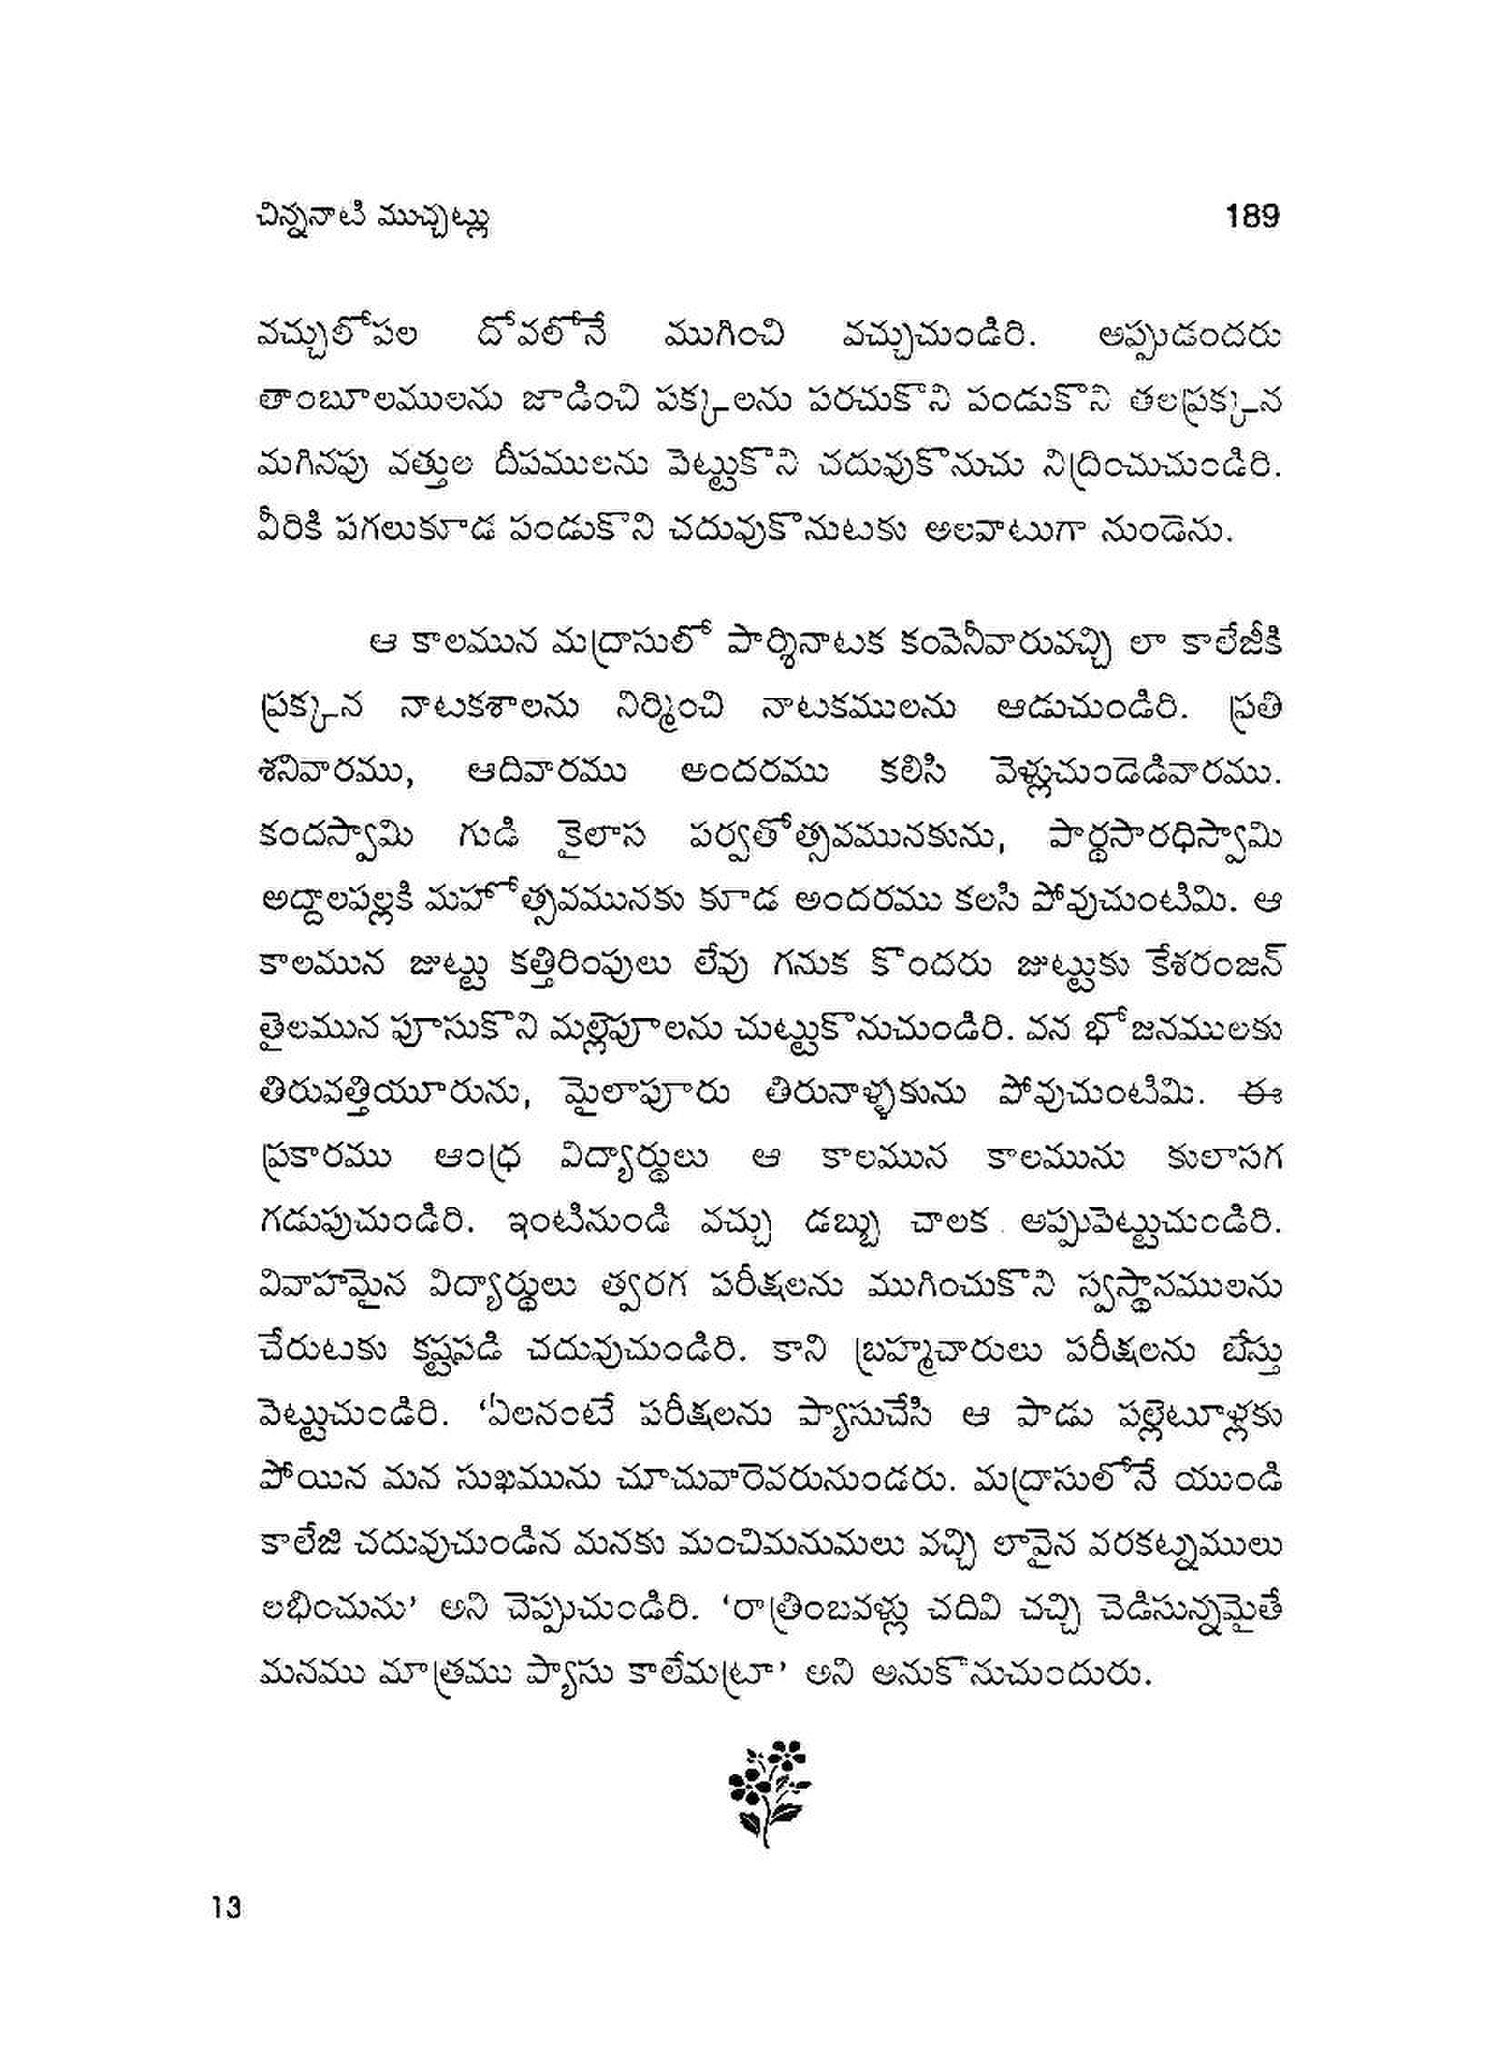వచ్చులోపల దోవలోనే ముగించి వచ్చుచుండిరి. అప్పుడందరు తాంబూలములను జాడించి పక్కలను పరచుకొని పండుకొని తలప్రక్కన మగినపు వత్తుల దీపములను పెట్టుకొని చదువుకొనుచు నిద్రించుచుండిరి. వీరికి పగలుకూడ పండుకొని చదువుకొనుటకు అలవాటుగా నుండెను.

ఆ కాలమున మద్రాసులో పార్శినాటక కంపెనీవారువచ్చి లా కాలేజీకి ప్రక్కన నాటకశాలను నిర్మించి నాటకములను ఆడుచుండిరి. ప్రతి శనివారము, ఆదివారము అందరము కలిసి వెళ్ళుచుండెడివారము. కందస్వామి గుడి కైలాస పర్వతోత్సవమునకును, పార్థసారధిస్వామి అద్దాలపల్లకి మహోత్సవమునకు కూడ అందరము కలసి పోవుచుంటిమి. ఆ కాలమున జట్టు కత్తిరింపులు లేవు గనుక కొందరు జట్టుకు కేశరంజన్ తైలమున పూసుకొని మల్లెపూలను చుట్టుకొనుచుండిరి. వన భోజనములకు తిరువత్తియూరును, మైలాపూరు తిరునాళ్ళకును పోవుచుంటిమి. ఈ ప్రకారము ఆంధ్ర విద్యార్థులు ఆ కాలమున కాలమును కులాసగ గడుపుచుండిరి. ఇంటినుండి వచ్చు డబ్బు చాలక అప్పుపెట్టుచుండిరి. వివాహమైన విద్యార్థులు త్వరగ పరీక్షలను ముగించుకొని స్వస్థానములను చేరుటకు కష్టపడి చదువుచుండిరి. కాని బ్రహ్మచారులు పరీక్షలను బేస్తు పెట్టుచుండిరి. 'ఏలనంటే పరీక్షలను ప్యాసుచేసి ఆ పాడు పల్లెటూళ్లకు పోయిన మన సుఖమును చూచువారెవరునుండరు. మద్రాసులోనే యుండి కాలేజి చదువుచుండిన మనకు మంచిమనువులు వచ్చి లావైన వరకట్నములు లభించును' అని చెప్పుచుండిరి. 'రాత్రింబవళ్లు చదివి చచ్చి చెడిసున్నమైతే మనము మాత్రము ప్యాసు కాలేమట్రా" అని అనుకొనుచుందురు.